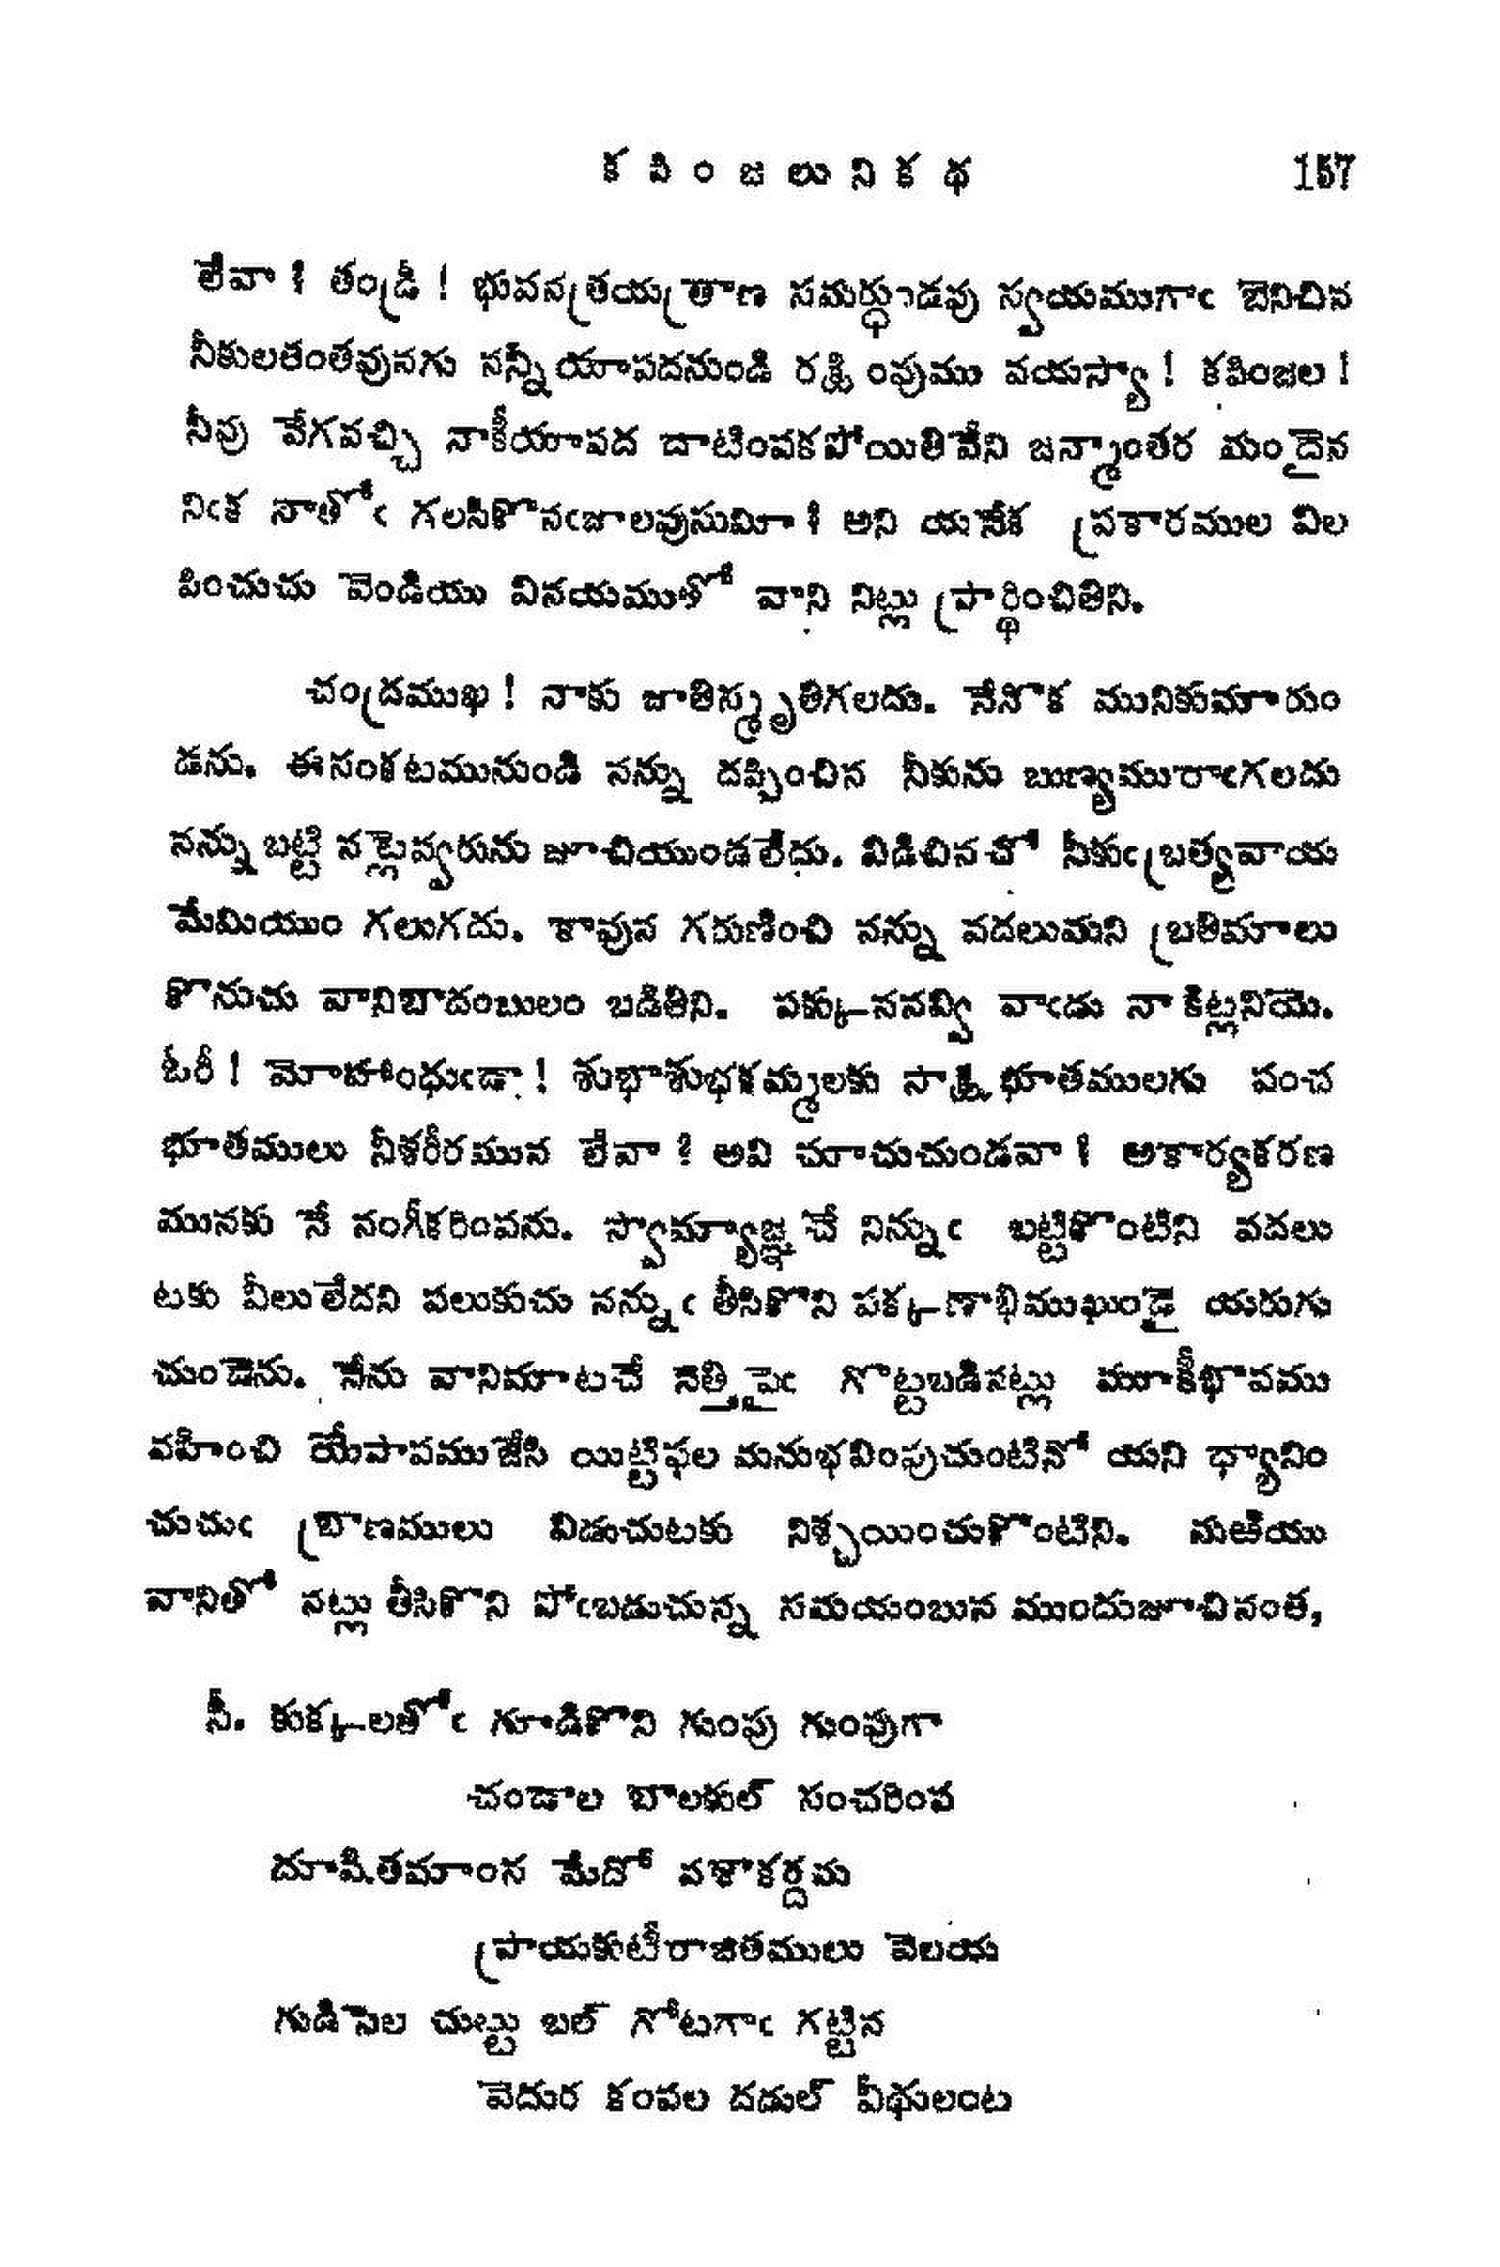లేవా? తండ్రీ! భువనత్రయత్రాణ సమర్ధుండవు స్వయముగాఁ బెనిచిన నీకులతంతవునగు నన్నీయాపదనుండి రక్షింపుము వయస్యా! కపింజల! నీవు వేగవచ్చి నాకీయాపద దాటింపకపోయితివేని జన్మాంతర మందైన నిఁక నాతోఁ గలసికొనఁజాలవుసుమీ? అని యనేక ప్రకారముల విలపించుచు వెండియు వినయముతో వాని నిట్లు ప్రార్థించితిని.

చంద్రముఖ! నాకు జాతిస్మృతిగలదు. నేనొక మునికుమారుండను. ఈసంకటమునుండి నన్ను దప్పించిన నీకును బుణ్యమురాఁగలదు నన్ను బట్టి నట్లెవ్వరును జూచియుండలేదు. విడిచినచో నీకుఁబ్రత్యవాయమేమియుం గలుగదు. కావున గరుణించి నన్ను వదలుమని బ్రతిమాలు కొనుచు వానిబాదంబులం బడితిని. పక్కుననవ్వి వాఁడు నా కిట్లనియె. ఓరీ! మోహాంధుఁడా! శుభాశుభకమ్మలకు సాక్షిభూతములగు పంచభూతములు నీశరీరమున లేవా? అవి చూచుచుండవా? అకార్యకరణమునకు నే నంగీకరింపను. స్వామ్యాజ్ఞచే నిన్నుఁ బట్టికొంటిని వదలుటకు వీలులేదని పలుకుచు నన్నుఁతీసికొని పక్కణాభిముఖుండై యరుగు చుండెను. నేను వానిమాటచే నెత్తిపైఁ గొట్టబడినట్లు మూకీభావము వహించి యేపాపముజేసి యిట్టిఫల మనుభవింపుచుంటినో యని ధ్యానించుచుఁ బ్రాణములు విడుచుటకు నిశ్చయించుకొంటిని. మఱియు వానితో నట్లుతీసికొని పోఁబడుచున్న సమయంబున ముందుజూచినంత,

సీ. కుక్కలతోఁ గూడికొని గుంపు గుంపుగా
 చండాల బాలకుల్ సంచరింప
 దూషితమాంస మేదో వశాకర్దమ
 ప్రాయకుటీరాజితములు వెలయ
 గుడిసెల చుట్టు బల్ గోటగాఁ గట్టిన
 వెదుర కంపల దడుల్ వీథులంట